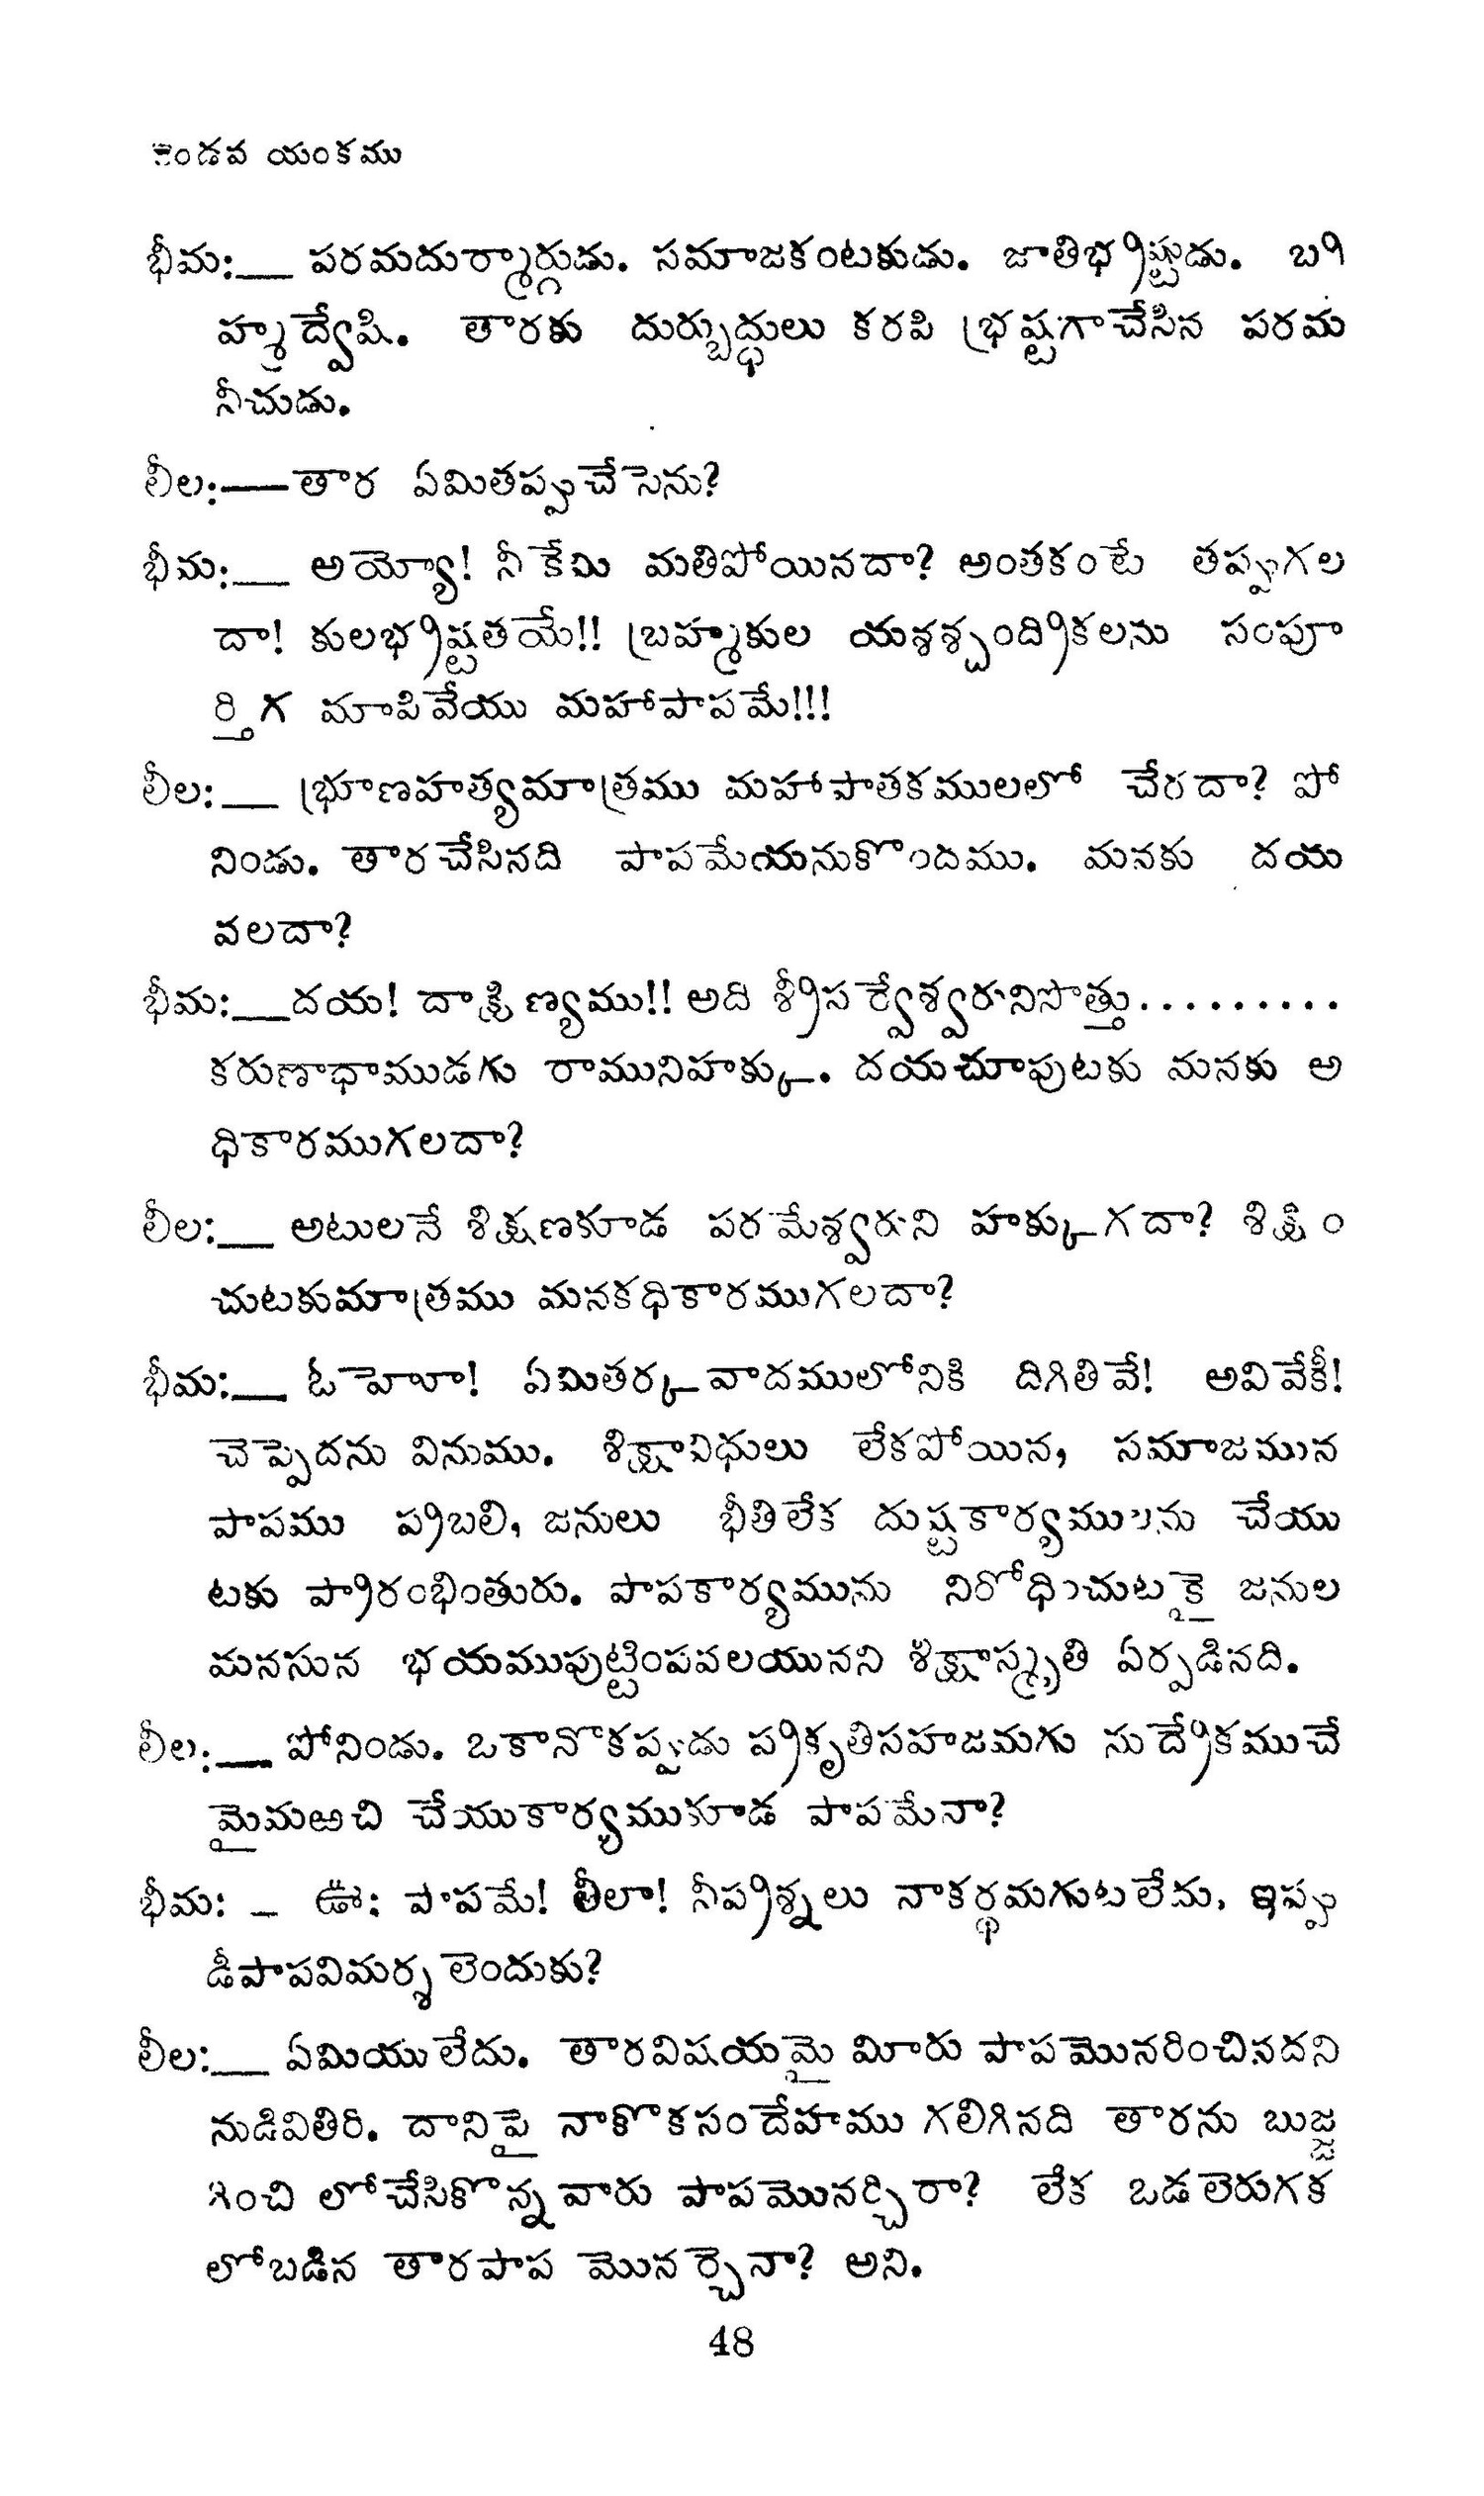భీమ:-పరమదుర్మార్గుడు. సమాజకంఠకుడు. జాతిభ్రష్టుడు. బ్రహ్మద్వేషి., తారకు దుర్భుద్ధులు కడపి భ్రష్టుడుగా చేసిన పరమ నీచుడు.

లీల;-తార ఏమి తప్పుచేసెను?

భీమ:-అయ్యో! నీకేమి మతిపోయినదా? అంతకంటే తప్పుగలదా! కులభ్రష్టతయే!! బ్రహ్మకుల యశశ్చంద్రికలను సంపూర్తిగ మాపిచేయు మహాపాపమే!!!

లీల:-భ్రూణ హత్య మాత్రము మహాపాతకములలో చేరదా? పోనిండు, తార చేసినది పాపమేయనుకొందము. మనకు దయ వలదా?

భీమ:-దయ! దాక్షిణ్యము!! అది శ్రీసర్వేశ్వరుని సొత్తు...... కరుణాధాముడగు రాముని హక్కు. దయ చూపుటకు మనకు అదికారము కలదా?

లీల:-అటులనే శిక్షణకూడ పరమేశ్వరుని హక్కు గదా? శిక్షించుటకు మాత్రము అనకధికారము గలదా?

భీమ:-ఓహో! ఏమితర్కవాదములోనికి దిగితివే! చెప్పెదను వినుము. శిక్షావిధులు లేకపోయిన. సమాజమున పాపము ప్రబలి, జనులు భీతిలేక ధుష్ట కార్యములను చేయుటకు ప్రారంభింతురు. పాపకార్యమును నిరోధించుటకై జనులు మనమున భయముపుట్టింప వలయునని శిక్షాస్మృతి ఏర్పడినది. 

లీల;-పొనిండు, ఒకానొకప్పుడు ప్రకృతి సహజమగు నుద్రేకముచే మైమఱచి చేయుకార్యముకూడ పాపమేనా?

భీమ;-ఊ: పాపమే! లీలా! నీప్రశ్నలు నాకర్ధమగుటలేదు. ఇప్పుడీపాపవి మర్శలెందుకు?

లీల:-ఏమియులేదు. తారవిషయమై మీరు పాపమొనరించినదని నుడివితిరి. దానిపై నాకొక సందేహము గలిగినది. తారను బుజ్జగించి లోచేసుకొన్నవారు పాపమొనర్చిరా? లేక ఒడలెరుగక లోబడిన తార పాప మొనర్చెనా? అని